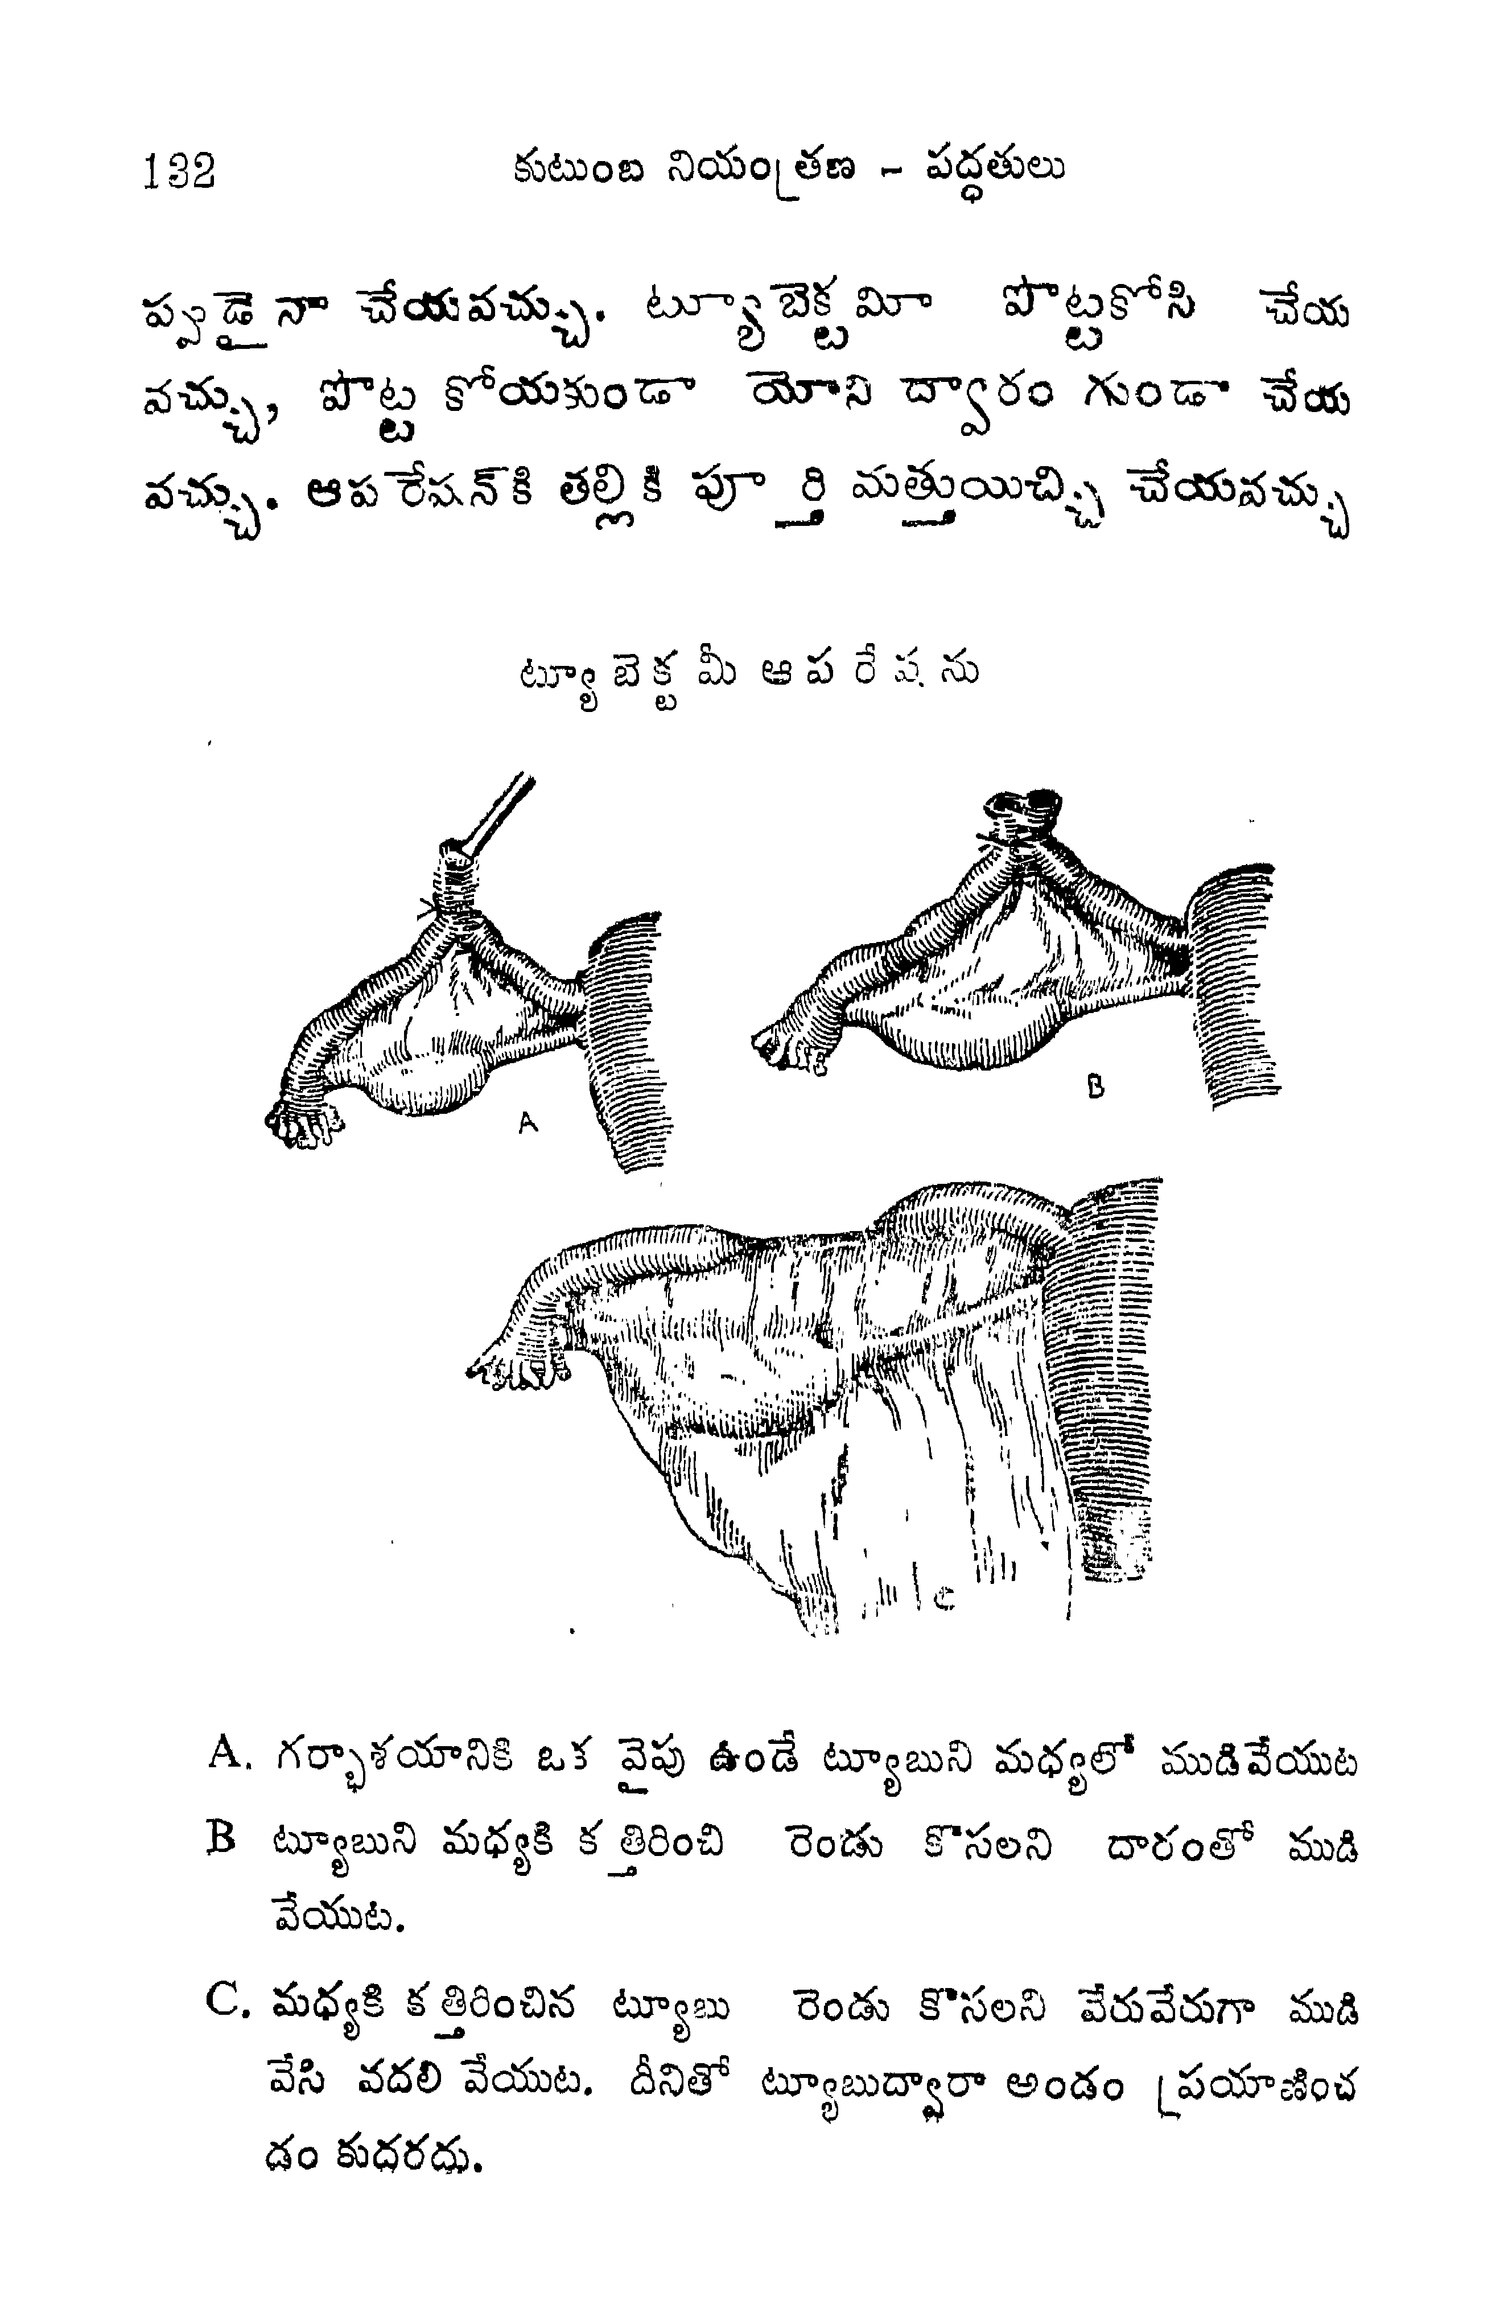ప్పుడైనా చేయవచ్చు. ట్యూబెక్టమీ పొట్టకోసి ఛేయవచ్చు, పొట్ట కోయకుండా యోని ద్వారం గుండా చెయవచ్చు. ఆపరేషన్‌కి తల్లికి పూర్తి మత్తుయిచ్చి చేయవచ్చు.

A. గర్భాశయానికి ఒక వైపు ఉండే ట్యూబుని మధ్యలో ముడివేయట

B. ట్యూబుని మధ్యకి కత్తిరించి రెండు కొసలని దారంతో ముడివేయుట.
 
C. మధ్యకి కత్తిరించిన ట్యూబు రెందు కొసలని వేరువేరుగా ముడి వేసి వదలివేయుట. దీనితో ట్యూబుద్వారా అండం ప్రయాణించడం కుదరదు.